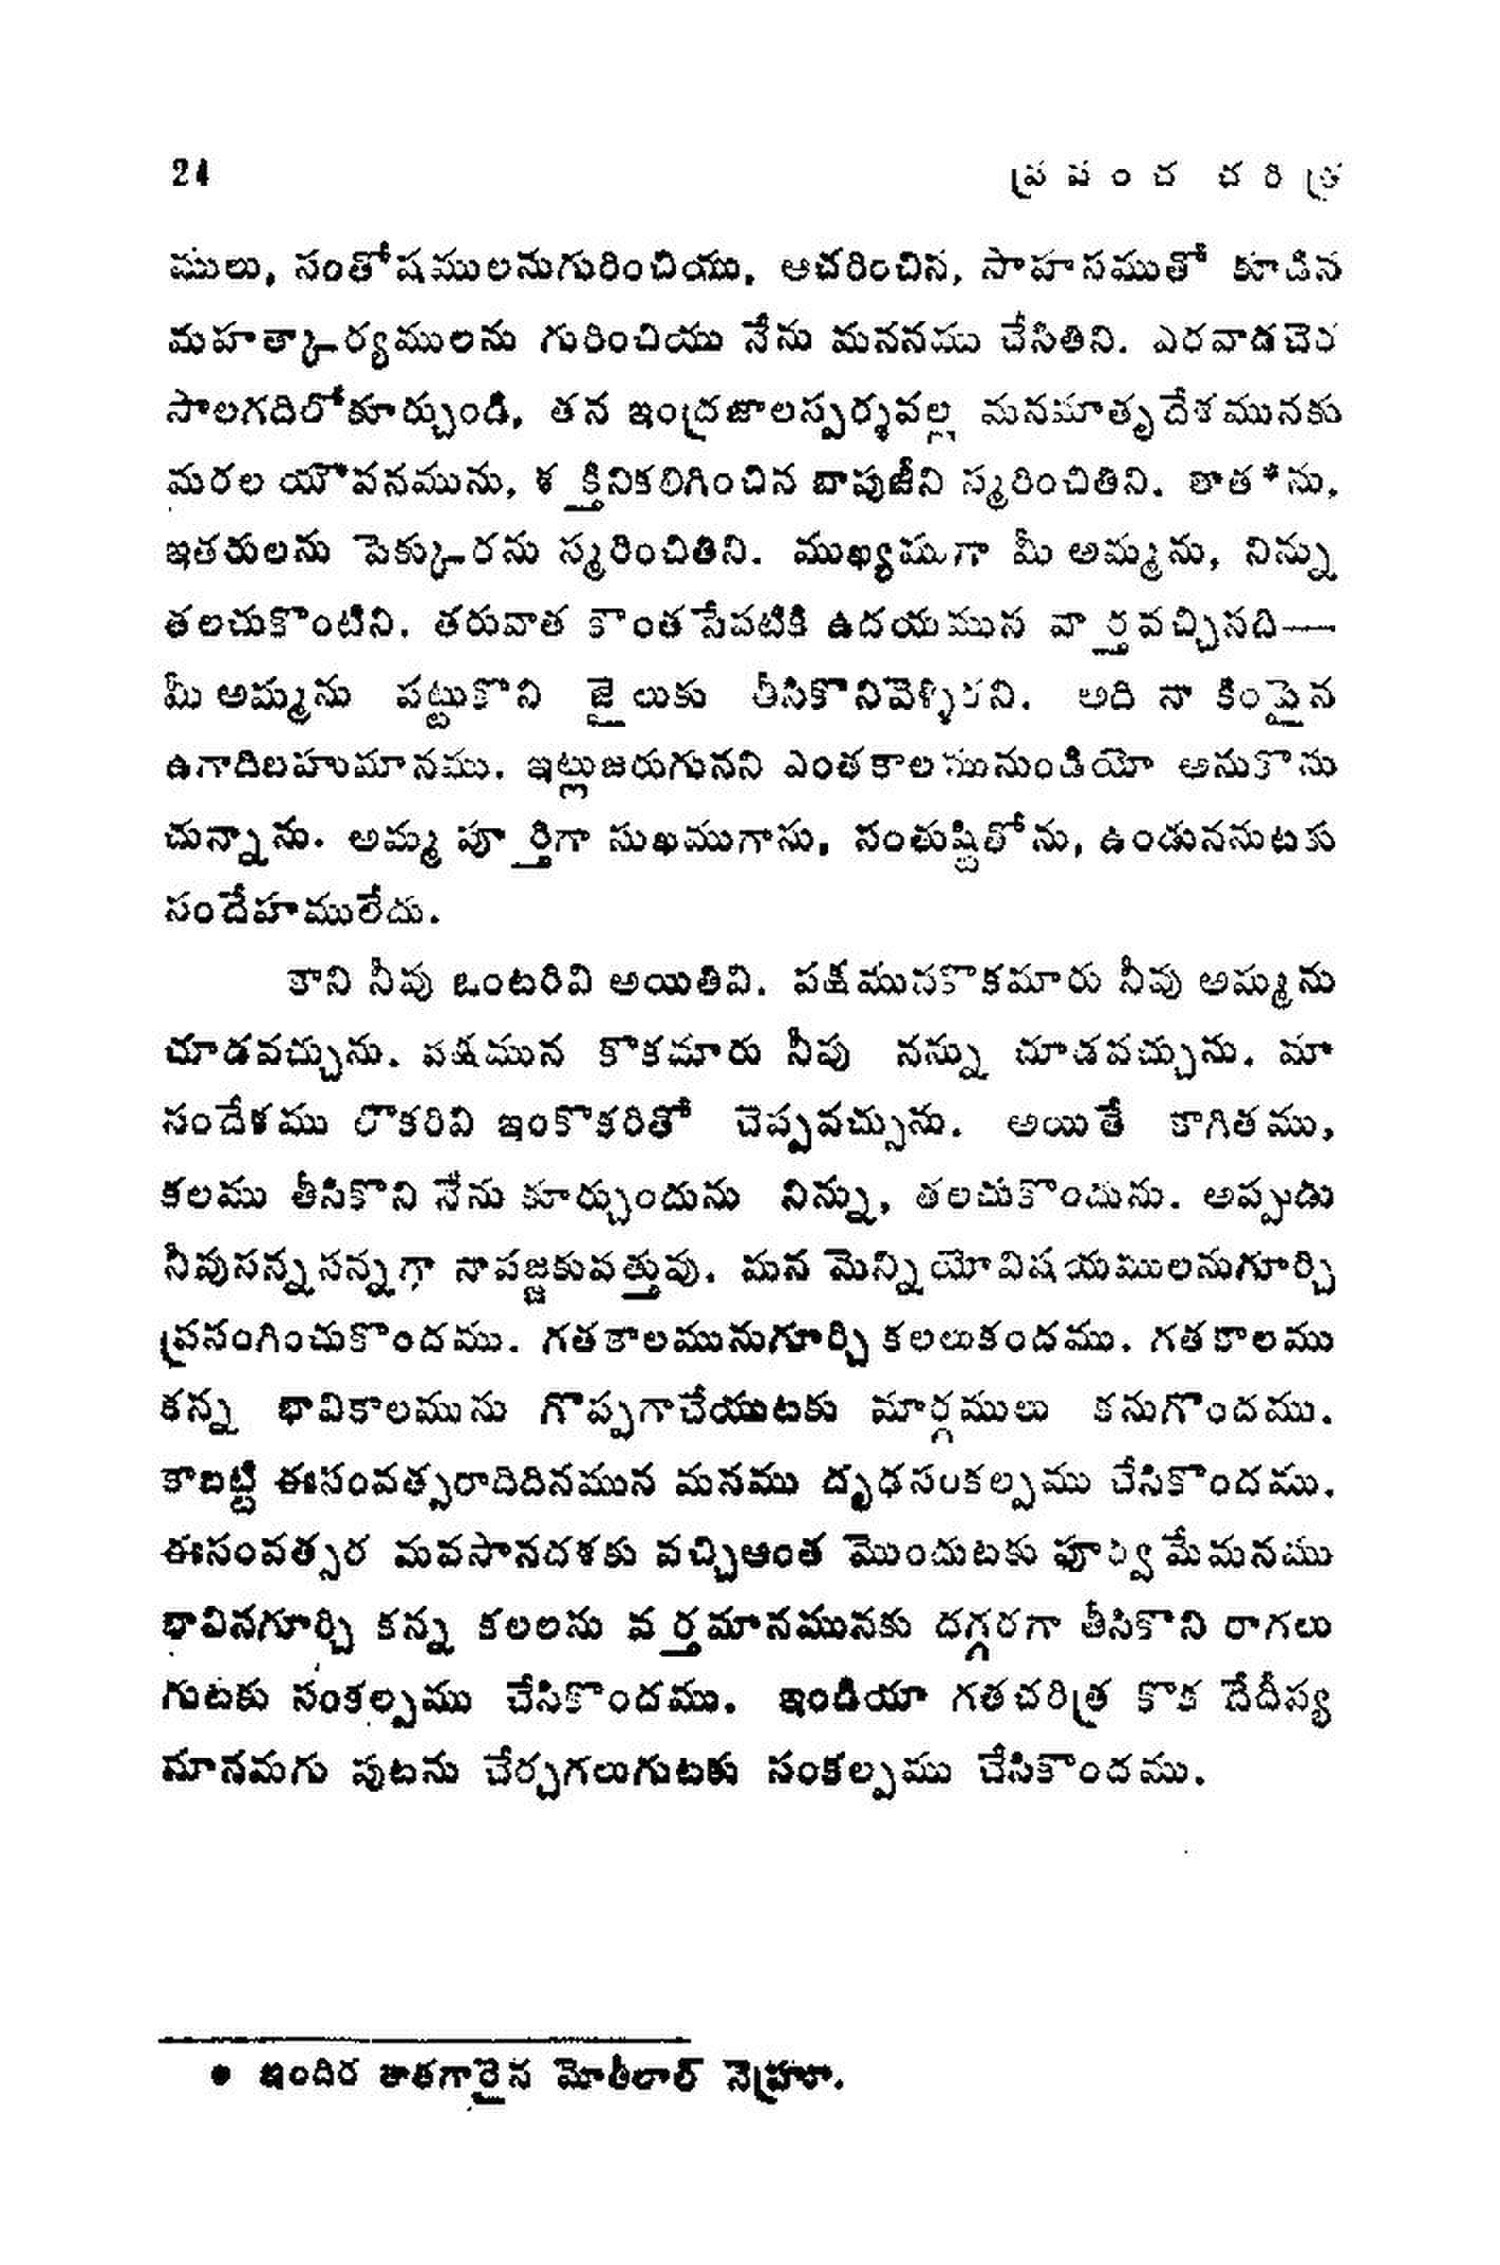ములు, సంతోషములనుగురించియు, ఆచరించిన, సాహసముతో కూడిన మహత్కార్యములను గురించియు నేను మననము చేసితిని. ఎరవాడ చెరసాలగదిలో కూర్చుండి, తన ఇంద్రజాలస్పర్శవల్ల మనమాతృదేశమునకు మరల యౌవనమును, శక్తినికలిగించిన బాపుజీని స్మరించితిని. తాతను, ఇతరులను పెక్కురను స్మరించితిని. ముఖ్యముగా మీ అమ్మను, నిన్ను తలచుకొంటిని. తరువాత కొంత సేపటికి ఉదయమున వార్తవచ్చినది. - మీ అమ్మను పట్టుకొని జైలుకు తీసికొని వెళ్ళిరని. అది నా కింపైన ఉగాదిబహుమానము. ఇట్లుజరుగునని ఎంత కాలమునుండియో అనుకొనుచున్నాను. అమ్మ పూర్తిగా సుఖముగాను, సంతుష్టితోను, ఉండుననుటకు సందేహములేదు.

కాని నీవు ఒంటరివి అయితివి. పక్షమునకొకమారు నీవు అమ్మను చూడవచ్చును. పక్షమున కొకమారు నీవు నన్ను చూడవచ్చును. మా సందేశము లొకరివి ఇంకొకరితో చెప్పవచ్చును. అయితే కాగితము, కలము తీసికొని నేను కూర్చుందును నిన్ను, తలచుకొందును. అప్పుడు నీవుసన్న సన్నగా నాపజ్జకువత్తువు. మన మెన్నియో విషయములనుగూర్చి ప్రసంగించుకొందము. గత కాలమునుగూర్చి కలలుకందము. గత కాలము కన్న భావికాలమును గొప్పగాచేయుటకు మార్గములు కనుగొందము. కాబట్టి ఈ సంవత్సరాదిదినమున మనము దృఢసంకల్పము చేసికొందము. ఈసంవత్సర మవసానదశకు వచ్చిఅంత మొందుటకు పూర్వమేమనము భావినగూర్చి కన్న కలలను వర్తమానమునకు దగ్గరగా తీసికొని రాగలుగుటకు సంకల్పము చేసికొందము, ఇండియా గత చరిత్ర కొక దేదీప్యమానమగు పుటను చేర్చగలుగుటకు సంకల్పము చేసికొందము.